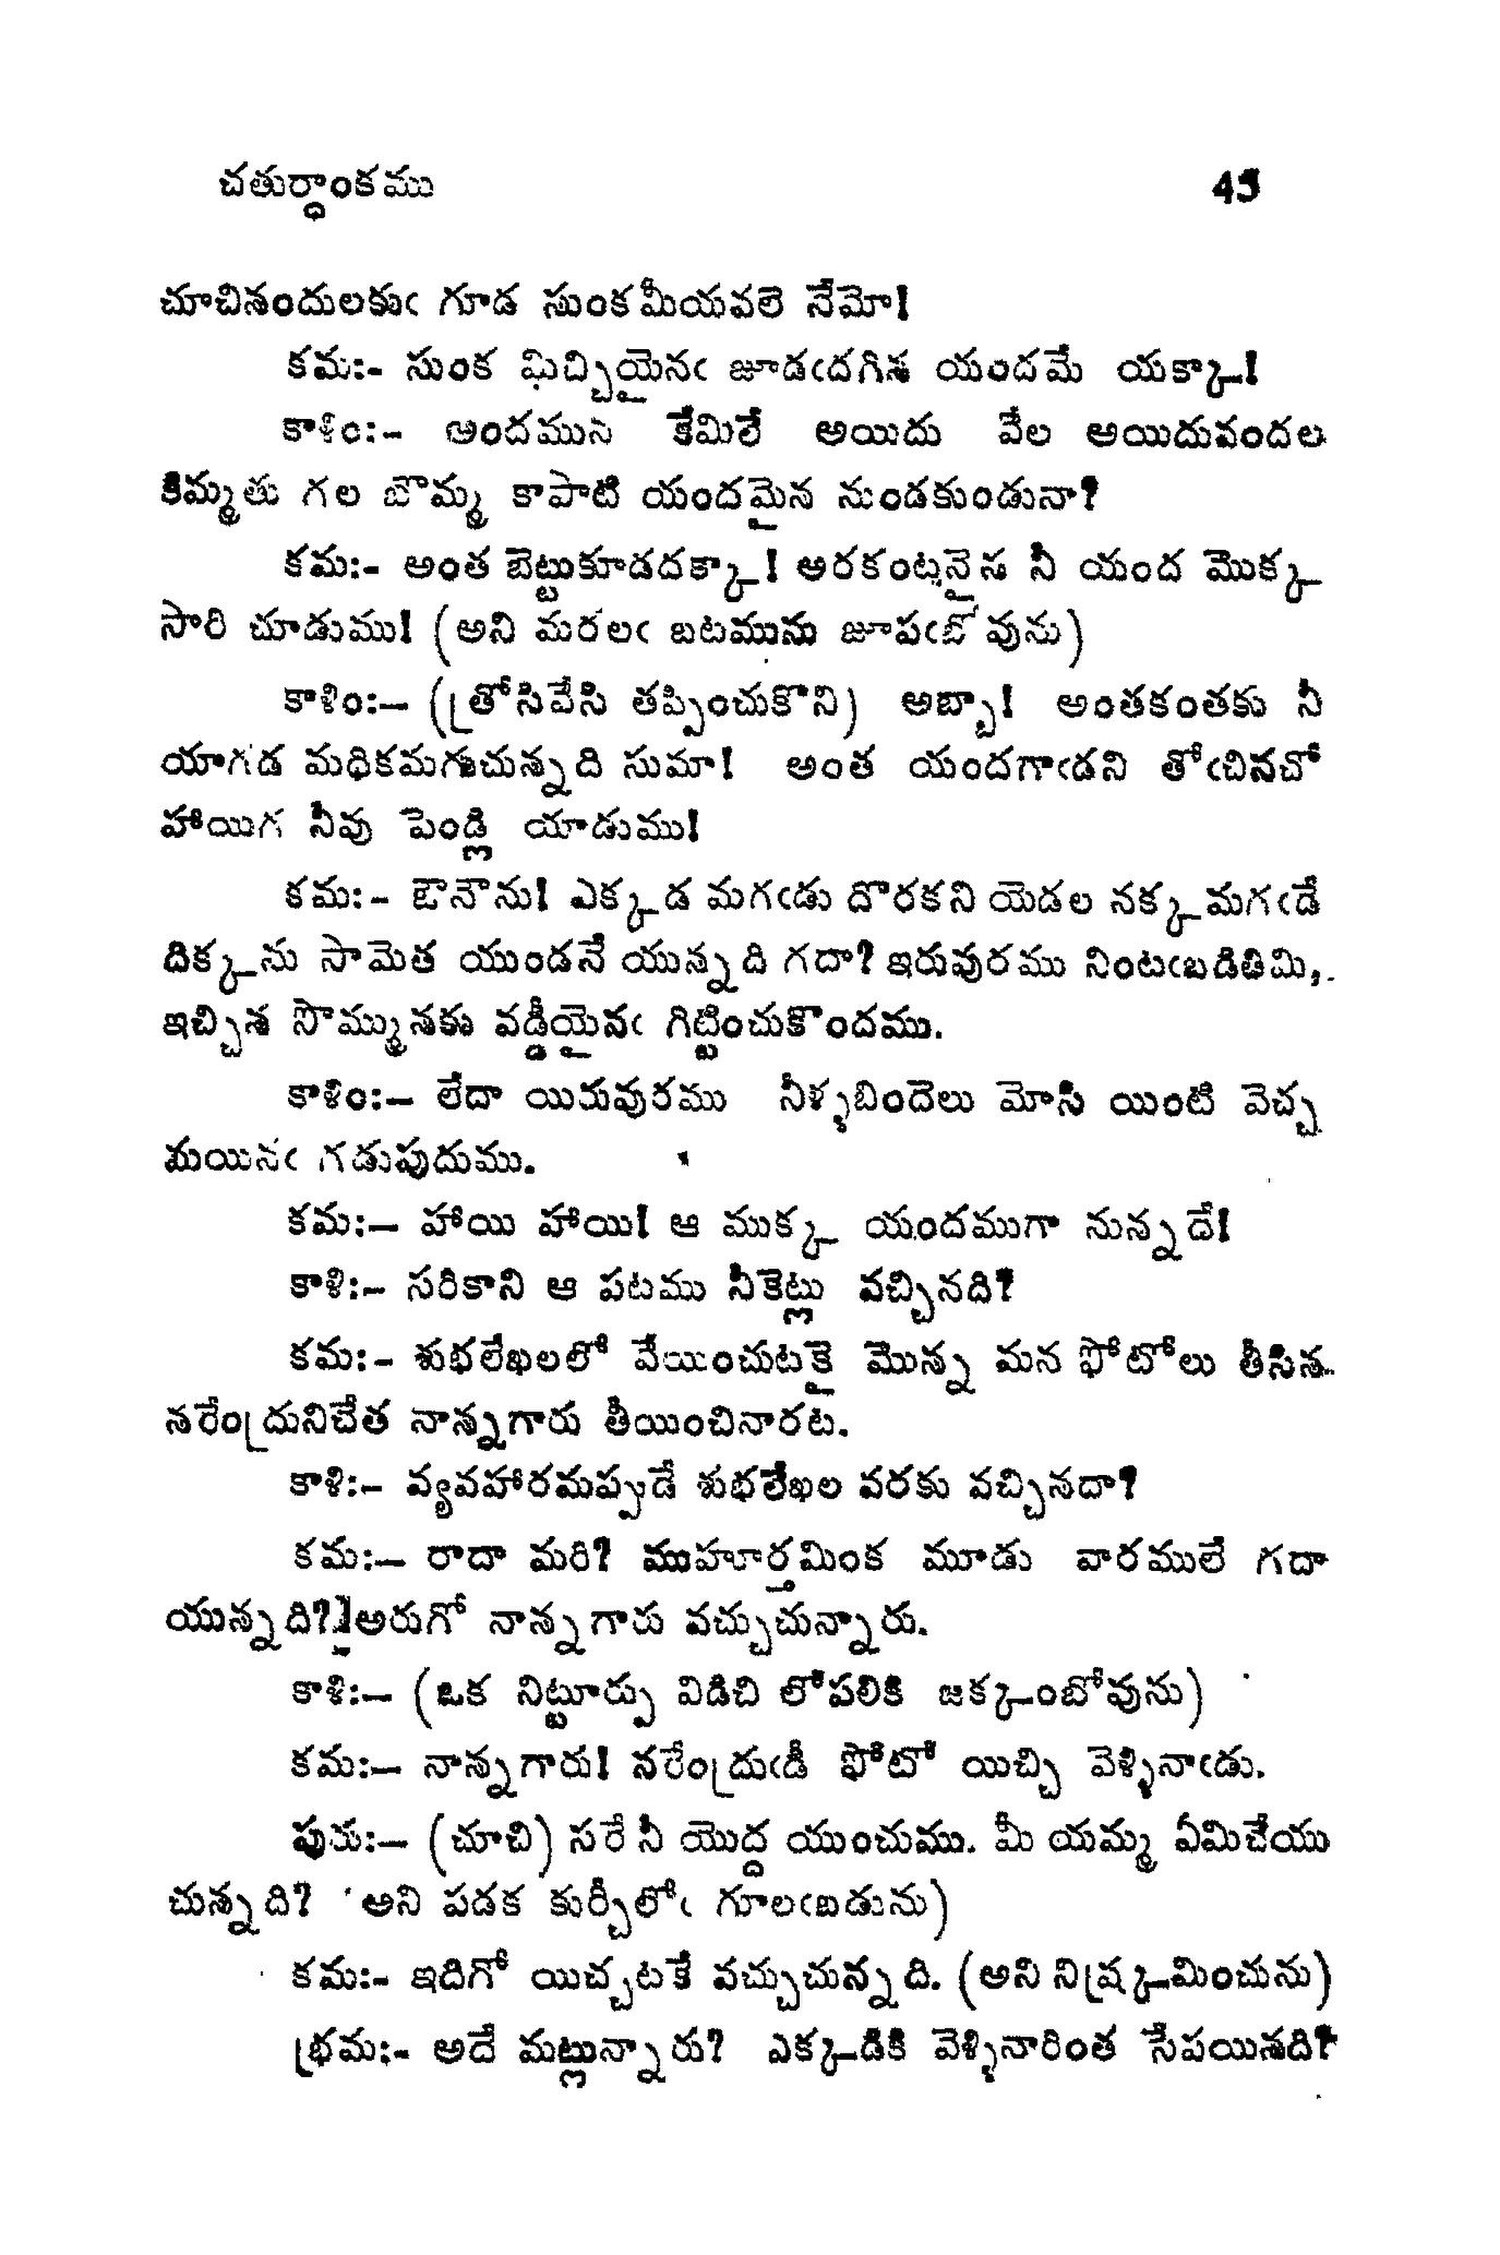చూచినందులకుఁ గూడ సుంకమీయవలె నేమో!

కమ :- సుంక మిచ్చియైనఁ జూడఁదగిన యందమే యక్కా!

కాళిం :- అందమున కేమిలే అయిదు వేల అయిదువందల కిమ్మతు గల బొమ్మ కాపాటి యందమైన నుండకుండునా?

కమ :- అంతబెట్టుకూడదక్కా! అరకంటనైన నీ యంద మొక్కసారి చూడుము! (అని మరలఁ బటమును జూపఁబోవును.)

కాళిం :- (త్రోసివేసి తప్పించుకొని) అబ్బా! అంతకంతకు నీ యాగడ మధికమగుచున్నది సుమా! అంత యందగాఁడని తోఁచినచో హాయిగ నీవు పెండ్లి యాడుము!

కమ :- ఔనౌను! ఎక్కడ మగఁడు దొరకని యెడల నక్కమగఁడే దిక్కను సామెత యుండనే యున్నది గదా? ఇరువురము నింటఁబడితిమి, ఇచ్చిన సొమ్మునకు వడ్డీయైనఁ గిట్టించుకొందము.

కాళిం :- లేదా యిరువురము నీళ్ళబిందెలు మోసి యింటి వెచ్చమయినఁ గడుపుదుము.

కమ :- హాయి హాయి! ఆముక్క యందముగా నున్నదే!

కాళి :- సరికాని ఆ పటము నీకెట్లు వచ్చినది?

కమ :- శుభలేఖలలో వేయించుటకై మొన్న మన ఫోటోలు తీసిన నరేంద్రునిచేత నాన్నగారు తీయించినారట.

కాళి :- వ్యవహారమప్పుడే శుభలేఖల వఱకు వచ్చినదా?

కమ :- రాదా మరి? ముహూర్తమింక మూడు వారములే గదా యున్నది? అరుగో నాన్నగారు వచ్చుచున్నారు.

కాళి :- (ఒక నిట్టూర్పు విడిచి, లోపలికి జక్కంబోవును.)

కమ :- నాన్నగారు! నరేంద్రుఁడీ ఫోటో యిచ్చి వెళ్ళినాఁడు.

పురు :- (చూచి) సరే నీ యొద్ద నుంచుము. మీయమ్మ యేమి చేయుచున్నది? (అని పడక కుర్చీలోఁ గూలఁబడును.)

కమ :- ఇదిగో యిచ్చటికే వచ్చుచున్నది. (అని నిష్క్రమించును.)

భ్రమ :- అదే మట్లున్నారు? ఎక్కడికి వెళ్ళినారింత సేపయినది?